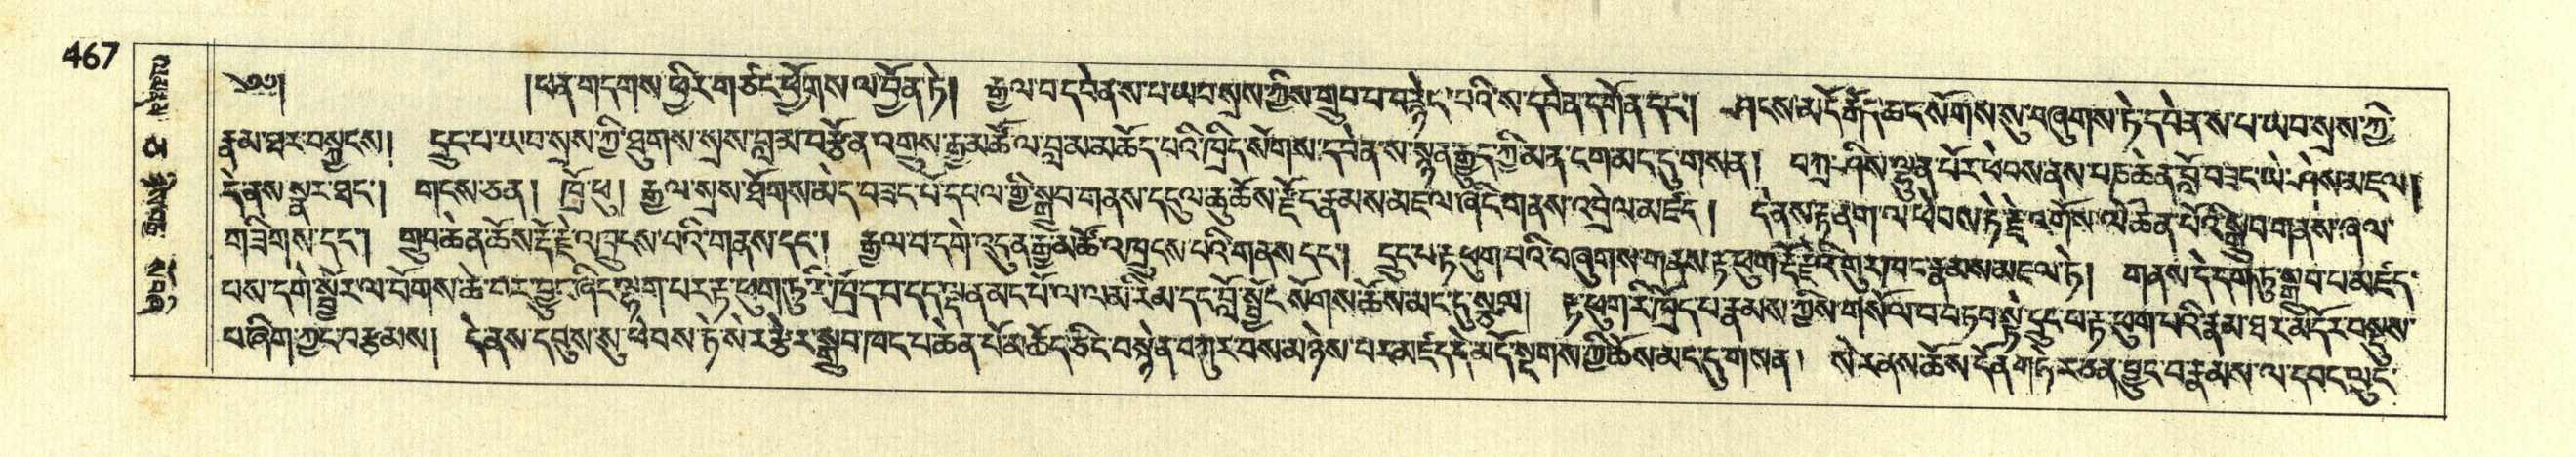༄༅། །ཕན་གདགས་ཕྱིར་གཙང་ཕྱོགས་ལ་བྱོན་ཏེ། རྒྱལ་བ་དབེན་ས་པ་ཡབ་སྲས་ཀྱིས་གྲུབ་པ་བརྙེད་པའི་ས་དབེན་དགོན་དང་། ཤངས་མདོ་རྒོད་ཆང་སོགས་སུ་བཞུགས་ཏེ་དབེན་ས་པ་ཡབ་སྲས་ཀྱི་
རྣམ་ཐར་བསྐྱངས། དྲུང་པ་ཡབ་སྲས་ཀྱི་ཐུགས་སྲས་བླ་མ་བརྩོན་འགྲུས་རྒྱ་མཚོ་ལ་བླ་མ་མཆོད་པའི་ཁྲིད་སོགས་དབེན་ས་སྙན་རྒྱུད་ཀྱི་མན་ངག་མང་དུ་གསན། བཀྲ་ཤིས་ལྷུན་པོར་ཕེབས་ནས་པཎ་ཆེན་བློ་བཟང་ཡེ་ཤེས་མཇལ།
དེ་ནས་སྣར་ཐང་། གངས་ཅན། ཁྲོ་ཕུ། རྒྱལ་སྲས་ཐོགས་མེད་བཟང་པོ་དཔལ་གྱི་སྒྲུབ་གནས་དངུལ་ཆུ་ཆོས་རྫོང་རྣམས་མཇལ་ཞིང་གནས་འབྲེལ་མཛད། དེ་ནས་རྟ་ནག་ལ་ཕེབས་ཏེ་རྗེ་འགོས་ལོ་ཆེན་པོའི་སྒྲུབ་གནས་ཞལ་
གཟིགས་དང་། གྲུབ་ཆེན་ཆོས་རྡོ་རྗེ་འཁྲུངས་པའི་གནས་དང་། རྒྱལ་བ་དགེ་འདུན་རྒྱ་མཚོ་འཁྲུངས་པའི་གནས་དང་། དྲུང་པ་རྟ་ཕུག་པའི་བཞུགས་གནས་རྟ་ཕུག་རྡོ་རྗེའི་གུར་ཁང་རྣམས་མཇལ་ཏེ། གནས་དེ་དག་ཏུ་སྒྲུབ་པ་མཛད་
པས་དགེ་སྦྱོར་ལ་བོགས་ཆེ་བར་བྱུང་ཞིང་ལྷག་པར་རྟ་ཕུག་ཏུ་རི་ཁྲོད་པ་དང་ལྡན་མང་པོ་ལ་ལམ་རིམ་དང་བློ་སྦྱོང་སོགས་ཆོས་མང་དུ་སྩལ། རྟ་ཕུག་རི་ཁྲོད་པ་རྣམས་ཀྱིས་གསོལ་བ་བཏབ་སྟེ་དྲུང་པ་རྟ་ཕུག་པའི་རྣམ་ཐར་མདོར་བསྡུས་
པ་ཞིག་ཀྱང་བརྩམས། དེ་ནས་དབུས་སུ་ཕེབས་ཏེ་སེར་རྩེར་སྒྲུབ་ཁང་པ་ཆེན་པོ་མཆོད་ཅིང་བསྙེན་བཀུར་བས་མཉེས་པར་མཛད་དེ་མདོ་སྔགས་ཀྱི་ཆོས་མང་དུ་གསན། སེར་ནས་ཆོས་དོན་གཏེར་ཅན་བྱུང་བ་རྣམས་ལ་དབང་ལུང་